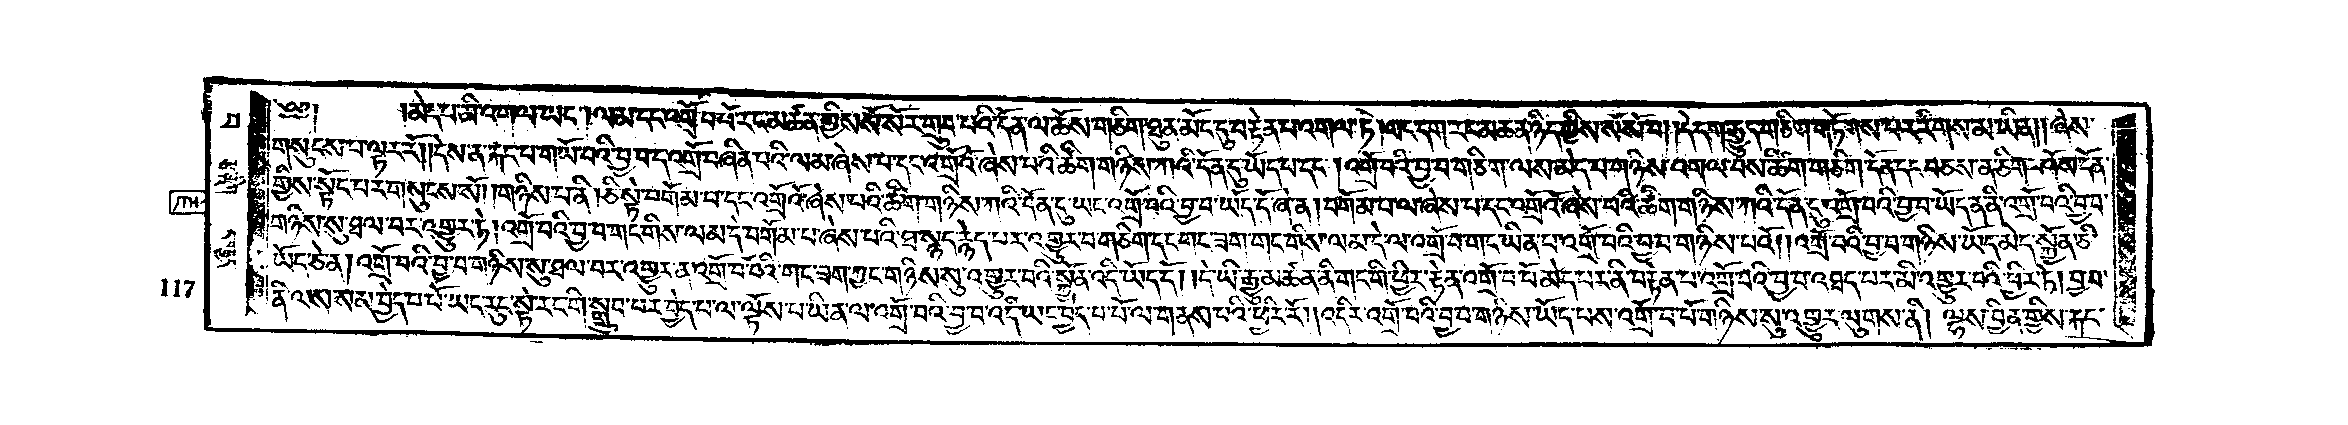༄༅། །མེད་པ་མི་འགལ་ཡང་། ལམ་དང་འགྲོ་བ་པོ་རང་མཚན་གྱིས་སོ་སོར་གྲུབ་པའི་དོན་ལ་ཆོས་གཅིག་ཐུན་མོང་དུ་བརྟེན་པ་འགལ་ཏེ། གང་དག་རང་མཚན་ཉིད་ཀྱིས་སོ་སོ་བ། དེ་དག་རྒྱུད་གཅིག་གཏོགས་པར་རིགས་མ་ཡིན། །ཞེས་
གསུངས་པ་ལྟར་རོ། །དེས་ན་རྐང་པ་གཡོ་བའི་བྱ་བ་དེ་འགྲོ་བཞིན་པའི་ལམ་ཞས་པ་དང་འགྲོའོ་ཞེས་པའི་ཚིག་གཉིས་པའི་དོན་དུ་ཡོད་པ་དང་། འགྲོ་བའི་བྱ་བ་གཅིག་ལས་མེད་པ་གཉིས་འགལ་བས་ཚིག་གཅིག་དོན་དང་བཅས་ན་ཅིག་ཤོས་དོན་
གྱིས་སྟོང་པར་གསུངས་སོ། །གཉིས་པ་ནི། ཅི་སྟེ་བགོམ་པ་དང་འགྲོའོ་ཞེས་པའི་ཚིག་གཉིས་ཀའི་དོན་དུ་ཡང་འགྲོ་བའི་བྱ་བ་ཡོད་དོ་ཞེ་ན། བགོམ་པ་ལ་ཞེས་པ་དང་འགྲོའོ་ཞེས་པའི་ཚིག་གཉིས་ཀའི་དོན་དུ་འགྲོ་བའི་བྱ་བ་ཡོད་ན་ནི་འགྲོ་བའི་བྱ་བ་
གཉིས་སུ་ཐལ་བར་འགྱུར་ཏེ། འགྲོ་བའི་བྱ་བ་གང་གིས་ལམ་དེ་བགོམ་པ་ཞེས་པའི་ཐ་སྙད་རྙེད་པར་འགྱུར་བ་གཅིག་དང་གང་ཟག་གང་གིས་ལམ་དེ་ལ་འགྲོ་བ་གང་ཡིན་པ་འགྲོ་བའི་བྱ་བ་གཉིས་པའོ། །འགྲོ་བའི་བྱ་བ་གཉིས་ཡོད་མདོ་སྐྱོན་ཅི་
ཡོད་ཅེ་ན། འགྲོ་བའི་བྱ་བ་གཉིས་སུ་ཐལ་བར་འགྱུར་ན་འགྲོ་བ་པོའི་གང་ཟག་ཀྱང་གཉི་སུ་འགྱུར་བའི་སྐྱོན་འདི་ཡོད་དོ། དེ་ཡི་རྒྱུ་མཚན་ནི་གང་གི་ཕྱིར་རྟེན་འགྲོ་བ་པོ་མེད་པར་ནི་བརྟེན་པ་འགྲོ་བའི་བྱ་བ་འཐད་པ་རི་འགྱུར་བའི་ཕྱིར་ཏེ། བྱ་བ་
ནི་ལས་སམ་བྱེད་པ་པོ་ཡང་རུང་སྟེ་རང་གི་སྒྲུབ་པར་བྱེད་པ་ལ་ལྟོས་པ་ཡིན་ལ་འགྲོ་བའི་བྱ་བ་འདི་ཡང་བྱེད་པ་པོ་ལ་གནས་པའི་ཕྱིར་རོ། །འདིར་འགྲོ་བའི་བྱ་བ་གཉིས་ཡོད་པས་འགྲོ་བ་པོ་གཉིས་སུ་འགྱུར་ལུགས་ནི། ལྷས་བྱིན་གྱིས་རྐང་